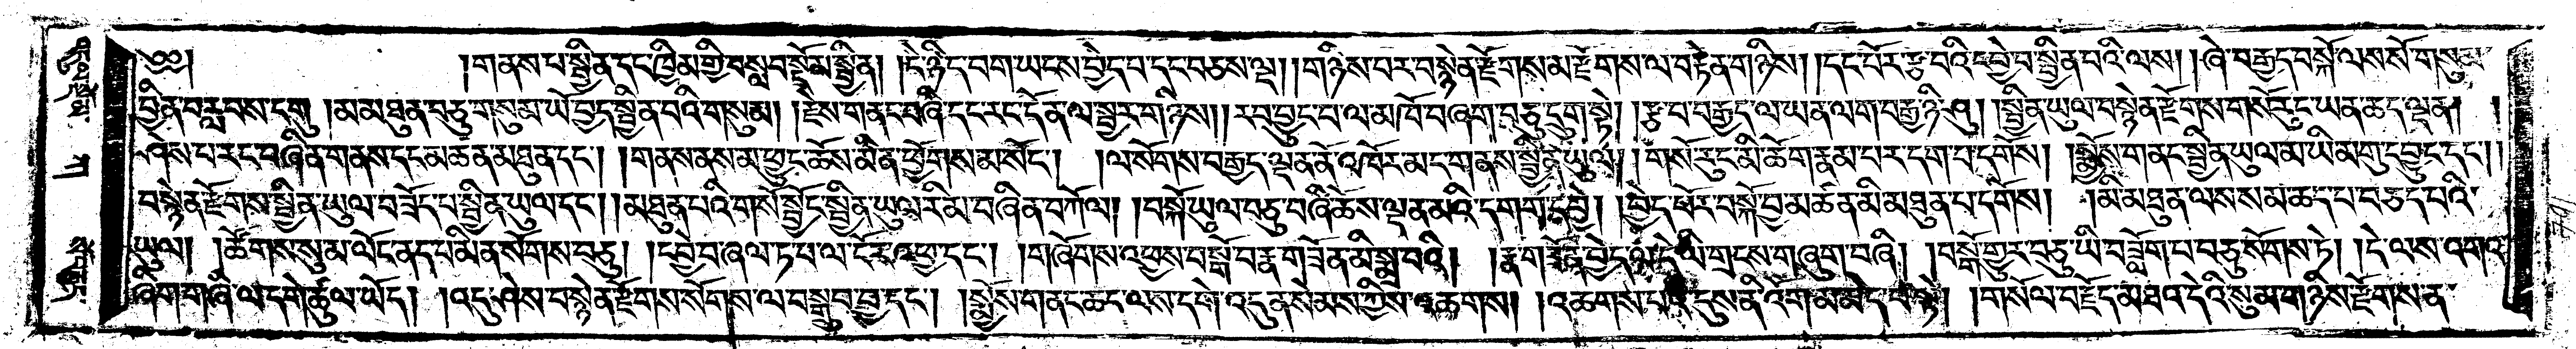༄༅། །གནས་པ་སྦྱིན་དང་ཁྱིམ་གྱི་བསླབ་སྡོམ་སྦྱིན། །དེ་ཉིད་བག་ཡངས་བྱེད་པ་དང་བཅས་ལྔ། །གཉིས་བར་བསྙེན་རྫོགས་མ་རྫོགས་ལ་བརྟེན་གཉིས། །དང་པོར་རྩ་བའི་དབྱེ་བ་སྦྱིན་བའི་ལས། །ཞེ་བརྒྱད་བསྐོ་ལས་སོ་གསུམ་
བྱིན་བརླབས་དགུ །མི་མཐུན་བཅུ་གསུམ་ཡོ་བྱད་སྦྱིན་བའི་གསུམ། །རྗེས་གནང་བཞི་དང་རང་དོན་ལ་སྦྱར་གཉིས། །རབ་བྱུང་བ་ལ་མཁོ་བཞག་བཅུ་དྲུག་སྟེ། །རྩ་བ་བརྒྱད་ལ་ཡན་ལག་བརྒྱ་ཉི་ཤུ། །སྦྱིན་ཡུལ་བསྙེན་རྫོགས་གསོ་རུང་ཡན་ཆད་ལྡན། །
ཤེས་པ་རང་བཞིན་གནས་དང་མཚན་མཐུན་དང་། །གནས་ནས་མ་ཕྱུང་ཆོས་མིན་ཕྱོགས་མ་སོང་། །ལ་སོགས་བརྒྱད་ལྡན་ནོ་འཁོར་མང་དག་ནས་སྦྱིན་ཡུལ། །གསོ་རུང་མི་ཆོག་རྣམ་བར་དག་པ་དགོས། །སྨྱོས་གནང་སྦྱིན་ཡུལ་མ་ཡི་མགུ་དབྱུང་དང་། །
བསྙེན་རྫོགས་སྦྱིན་ཡུལ་བཟོད་པ་སྦྱིན་ཡུལ་དང་། །མཐུན་པའི་གསོ་སྤྱོང་སྦྱིན་ཡུལ་རིམ་བཞིན་བཀོལ། །བསྐོ་ཡུལ་བཅུ་བཞི་ཆོས་ལྡན་མའི་དགག་དབྱེ། །བྱེད་པོར་བསྐོ་བྱ་མཚན་མི་མཐུན་པ་དགོས། །མི་མཐུན་ལས་སམ་ཆད་པ་བཅད་པའི་
ཡུལ། །ཚོགས་སུམ་ལོང་ནད་པ་མིན་སོགས་བཅུ། །དབྱེ་བ་ཞལ་ཏ་པ་ལ་ངོར་འཕྱ་དང་། །གཞོགས་འཕྱས་བསྒོ་བ་རྣ་གཟོན་མི་སྨྲ་བའི། །རྣ་གཟོན་བྱེད་ལ་དེ་ཡི་གྲངས་གཞུག་བཞི། །བསྒོ་གྱུར་བཅུ་ཡི་བཟློག་པ་བཅུ་སོགས་ཏེ། །དེ་ལས་འགའ་
ཞིག་གཞི་ལ་དགེ་ཚུལ་ཡོད། །འདུ་ཤེས་བསྙེན་རྫོགས་སོགས་ལ་བསྒྲུབ་བྱ་དང་། །སྨྱོས་གནང་ཆད་ལས་དགེ་འདུན་སེམས་ཀྱིས་འཆགས། །འཆགས་པའི་དུས་ནི་འོག་མ་མེད་པ་སྟེ། །གསོལ་བརྗོད་མཐའ་དེའི་སུམ་གཉིས་རྫོགས་ན་